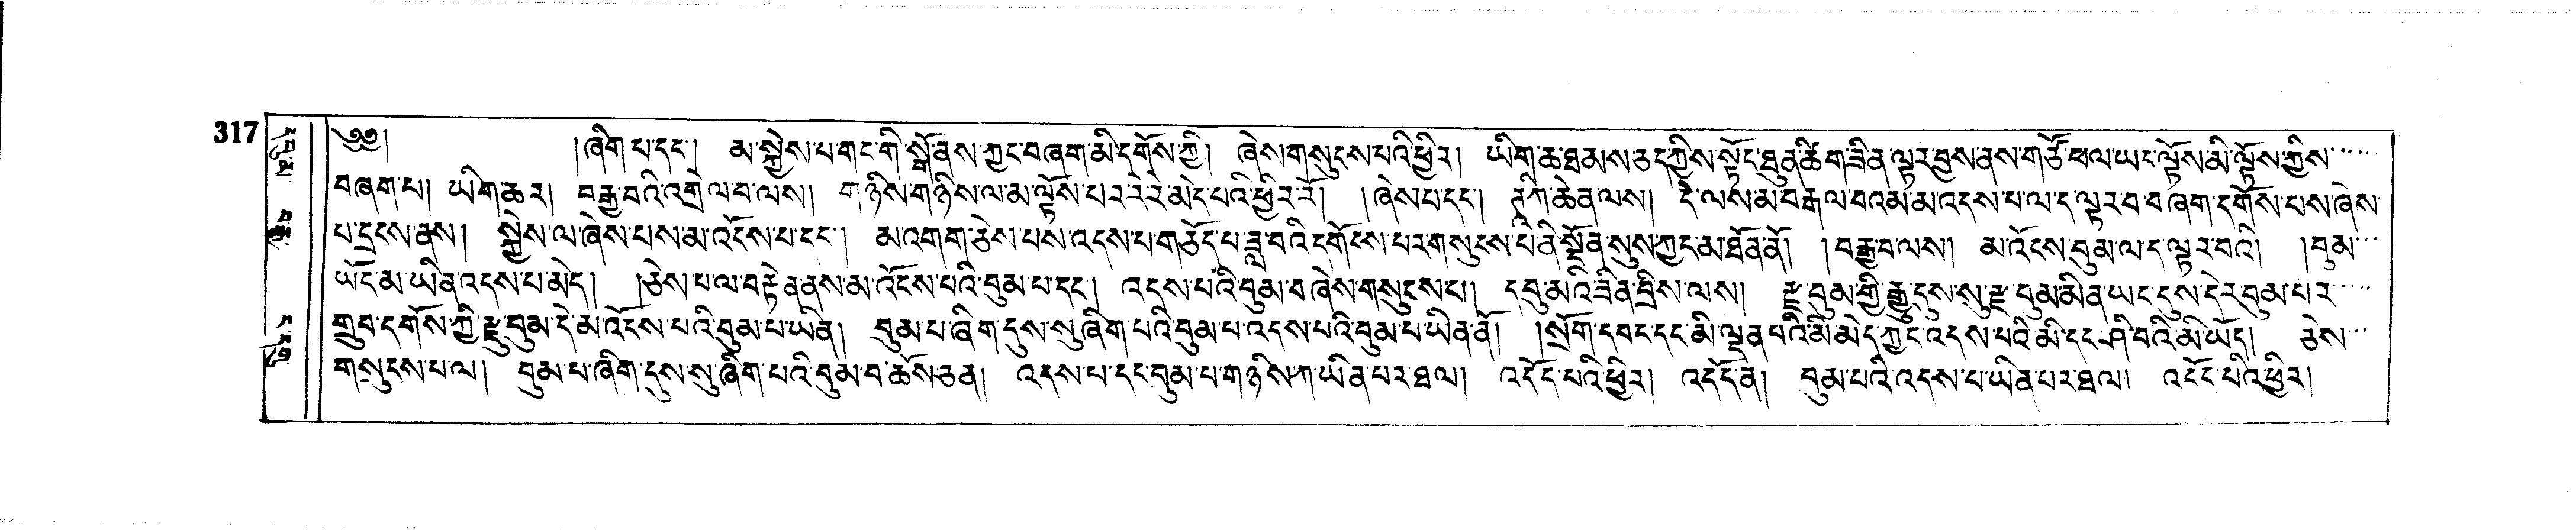༄༅། །ཡིག་ཆ་ཐམས་ཅད་ཀྱིས་སྟོང་ཐུན་ཚིག་ཟིན་ལྟར་བྱས་ནས་གཙོ་ཕལ་ཡང་ལྟོས་མི་ལྟོས་ཀྱིས་
བཞག་པ། ཡིག་ཆར། བརྒྱ་བའི་འགྲེལ་བ་ལས། གཉིས་གཉིས་ལ་མ་ལྟོས་པར་རེ་རེ་མེད་པའི་ཕྱིར་རོ། །ཞེས་པ་དང་། ཊཱིཀ་ཆེན་ལས། དེ་ལས་མ་བརྒལ་བའམ་མ་འདས་པ་ལ་ད་ལྟར་བ་བཞག་དགོས་པས་ཞེས་
པ་དྲངས་ནས། སྐྱེས་ལ་ཞེས་པས་མ་འོངས་པ་དང་། མ་འགག་ཅེས་པས་འདས་པ་གཅོད་པ་ཟླ་བའི་དགོངས་པར་གསུངས་པ་ནི་སྔོན་སུས་ཀྱང་མ་ཐོན་ནོ། །བརྒྱ་བ་ལས། མ་འོངས་བུམ་ལ་ད་ལྟར་བའི། །བུམ་
ཡོང་མ་ཡིན་འདས་པ་མེད། །ཅེས་པ་ལ་བརྟེན་ནས་མ་འོངས་པའི་བུམ་པ་དང་། འདས་པའི་བུམ་བཞེས་གསུངས་པ། དབུ་མའི་ཟིན་བྲིས་ལས། རྫ་བུམ་གྱི་རྒྱུ་དུས་སུ་རྫ་བུམ་མིན་ཡང་དུས་དེར་བུམ་པར་གྲུབ་དགོས་ཀྱི་རྫུ་བུམ་དེ་མ་འོངས་པའི་བུམ་པ་ཡིན། བུམ་པ་ཞིག་དུས་སུ་ཞིག་པའི་བུམ་པ་འདས་པའི་བུམ་པ་ཡིན་ནོ། །སྲོག་དབང་དང་མི་ལྡན་པའི་མི་མེད་ཀྱང་འདས་པའི་མི་དང་ཤི་བའི་མི་ཡོད། ཅེས་
གསུངས་པ་ལ། བུམ་པ་ཞིག་དུས་སུ་ཞིག་པའི་བུམ་པ་ཆོས་ཅན། འདས་པ་དང་བུམ་པ་གཉིས་ཀ་ཡིན་པར་ཐལ། འདོད་པའི་ཕྱིར། འདོད་ན། བུམ་པའི་འདས་པ་ཡིན་པར་ཐལ། འདོད་པའི་ཕྱིར།